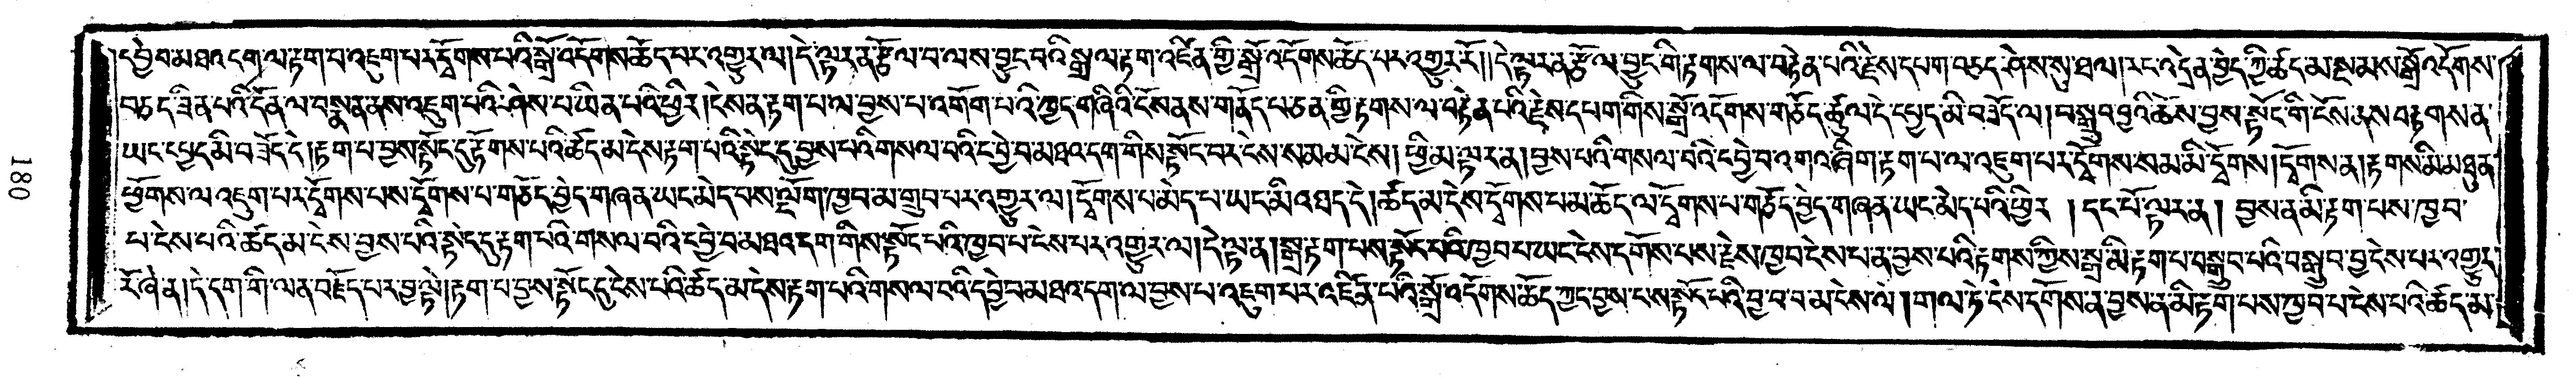དབྱེ་བ་མཐའ་དག་ལ་རྟག་པ་འཇུག་པར་དྭོགས་པའི་སྒྲོ་འདོགས་ཆོད་པར་འགྱུར་ལ། དེ་ལྟར་ན་རྩོལ་བ་ལས་བྱུང་བའི་སྒྲ་ལ་རྟག་འཛིན་གྱི་སྒྲོ་འདོགས་ཆོད་པར་འགྱུར་རོ། །དེ་ལྟར་ན་རྩོལ་བྱུང་གི་རྟགས་ལ་བརྟེན་པའི་རྗེས་དཔག་བཅད་ཤེས་སུ་ཐལ། རང་འདྲེན་བྱེད་ཀྱི་ཚད་མ་སྔ་མས་?་སྒྲོ་འདོགས་
བཅད་ཟིན་པའི་དོན་ལ་བསྣན་ནས་འཇུག་པའི་ཤེས་པ་ཡིན་པའི་ཕྱིར། དེས་ན་རྟག་པ་ལ་བྱས་པ་འགོག་པའི་ཁྱད་གཞིའི་ངོས་ནས་གནོད་པ་ཅན་གྱི་རྟགས་ལ་བརྟེན་པའི་རྗེས་དཔག་གིས་སྒྲོ་འདོགས་གཅོད་ཚུལ་དེ་དཔྱད་མི་བཟོད་ལ། བསྒྲུབ་བྱའི་ཆོས་བྱས་སྟོང་གི་ངོས་ནས་བརྟགས་ན་
ཡང་དཔྱད་མི་བཟོད་དེ། རྟག་པ་བྱས་སྟོང་དུ་རྟོགས་པའི་ཚད་མ་དེས་རྟག་པའི་སྟེང་དུ་བྱས་པའི་གསལ་བའི་དབྱེ་བ་མཐའ་དག་གིས་སྟོང་བར་ངེས་སམ་མ་ངེས། ཕྱི་མ་ལྟར་ན། བྱས་པའི་གསལ་བའི་དབྱེ་བ་འགའ་ཞིག་རྟག་པ་ལ་འཇུག་པར་དྭོགས་སམ་མི་དྭོགས། དྭོགས་ན། རྟགས་མི་མཐུན་
ཕྱོགས་ལ་འཇུག་པར་དྭོགས་པས་དྭོགས་པ་གཅོད་བྱེད་གཞན་ཡང་མེད་པས་ལྡོག་ཁྱབ་མ་གྲུབ་པར་འགྱུར་ལ། དྭོགས་པ་མེད་པ་ཡང་མི་འཐད་དེ། ཚད་མ་དེས་དྭོགས་པ་མཆོད་ལ་དྭོགས་པ་གཅོད་བྱེད་གཞན་ཡང་མེད་པའི་ཕྱིར། ། དང་པོ་ལྟར་ན། བྱས་ན་མི་རྟག་པས་ཁྱབ་
པ་ངེས་པའི་ཚད་མ་དེས་བྱས་པའི་སྟེང་དུ་རྟག་པའི་གསལ་བའི་དབྱེ་བ་མཐའ་དག་གིས་སྟོང་པའི་ཁྱབ་པ་ངེས་པར་འགྱུར་ལ། དེ་ལྟ་ན། སྒྲ་རྟག་པས་སྟོང་བའི་ཁྱབ་པ་ཡན་ངེས་དགོས་པས་རྗེས་ཁྱབ་ངེས་པ་ན་བྱས་པའི་རྟགས་ཀྱིས་སྒྲ་མི་རྟག་པར་སྒྲུབ་པའི་བསྒྲུབ་བྱ་ངེས་པར་འགྱུར་
རོ་ཞེ་ན། དེ་དག་གི་ལན་བརྗོད་པར་བྱ་སྟེ། རྟག་པ་བྱས་སྟོང་དུ་ངེས་པའི་ཚད་མ་དེས་རྟག་པའི་གསལ་བའི་དབྱེ་བ་མཐའ་དག་ལ་བྱས་པའི་འཇུག་པར་འཛིན་པའི་སྒྲོ་འདོགས་ཆོད་ཀྱང་བྱས་པས་སྟོང་པའི་ཁྱབ་པ་མ་ངེས་ལ། གལ་ཏེ་ངེས་དགོས་ན་བྱས་ན་མི་རྟག་པས་ཁྱབ་པ་ངེས་པའི་ཚད་མ་